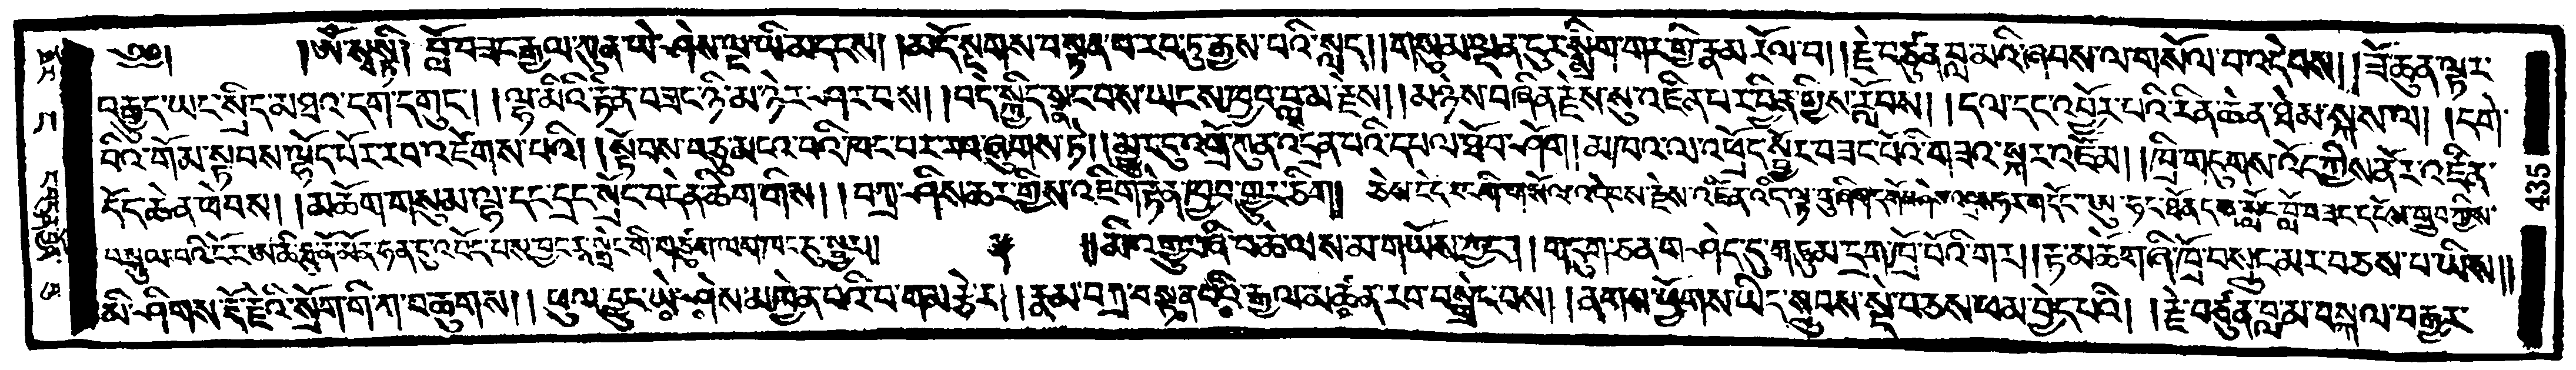༄༅། །ཨོཾ་སྭ་སྟི། བློ་བཟང་རྒྱལ་ཀུན་ཡེ་ཤེས་ལྔ་ཡི་མདངས། །མདོ་སྔགས་བསྟན་པ་རབ་ཏུ་རྒྱས་པའི་སླད། །གསུམ་ལྡན་ངུར་སྨྲིག་གར་གྱི་རྣམ་རོལ་བ། །རྗེ་བཙུན་བླ་མའི་ཞབས་ལ་གསོལ་བ་འདེབས། །ཟོ་ཆུན་ལྟར་
བརྒྱུད་ཡང་སྲིད་མཐའ་དག་དགུང་། །ལྷ་མིའི་རྟེན་བཟང་ཉི་མ་ཉེར་ཤར་བས། །བདེ་སྐྱིད་སྣང་བས་ཡངས་ཁྱབ་བླ་མ་རྗེས། །མཉེས་བཞིན་རྗེས་སུ་འཛིན་པར་བྱིན་གྱིས་རློབས། །དལ་དང་འབྱོར་པའི་རིན་ཆེན་ཐེམ་སྐས་ལ། །དགེ་
བའི་གོམ་སྟབས་ལྷོད་པོར་རབ་འཛེགས་པའི། །སྟོབས་བཅུ་མངའ་བའི་ཁང་པར་རབ་ཞུགས་ཏེ། །མྱུར་དུ་འགྲོ་ཀུན་འདྲེན་པའི་དཔལ་ཐོབ་ཤོག །མཁའ་ལ་འཕྲོད་སྦྱོར་བཟང་པོའི་གཟའ་སྐར་འཛོམ། །ཁྲི་གདུགས་འོད་ཀྱིས་ནོར་འཛིན་
དོད་ཆེན་ཕེབས། །མཆོག་གསུམ་ལྷ་དང་དྲང་སྲོང་བདེན་ཚིག་གིས། །བཀྲ་ཤིས་ཆར་གྱིས་འཇིག་རྟེན་ཁྱབ་གྱུར་ཅིག །ཅེས་ངེད་རང་གི་གསོལ་འདེབས་རྗེས་འཛིན་འདི་ལྟ་བུ་ཞིག་དགོས་ཞེས་འབྲས་ཧར་གདོང་ཨུ་ཧང་ཐོན་དག་སློང་བློ་བཟང་དངོས་གྲུབ་ཀྱིས་
བསྐུལ་བའི་ངོར་ཨ་ཆི་ཐུ་ནོ་མོན་ཧན་དུ་འབོད་པས་བྱང་རྭ་སྒྲེང་གི་གཙུག་ལག་ཁང་དུ་སྦྱར།། ༈ །།མི་འགྱུར་ཞི་བ་ཆེ་ལས་མ་གཡོས་ཀྱང་། །གདུག་ཅན་གཤེད་དུ་གཏུམ་དྲག་ཁྲོ་བོའི་གར། །རྟ་མཆོག་ཞི་ཁྲོ་བསྲུང་མར་བཅས་པ་ཡིས།།
མི་ཤིགས་རྡོ་རྗེའི་སྲོག་གི་ཀ་བ་ཆུགས། །ཕུལ་བྱུང་ཡེ་ཤེས་མཁྱེན་པའི་བ་གམ་རྩེར། །རྣམ་བཀྲ་བསྟན་པའི་རྒྱལ་མཚན་རབ་བསྒྲེང་བས། །ནགས་ཕྱོགས་ཡིད་སྲུབས་སྡེ་བཅས་ཕམ་བྱེད་པའི། །རྗེ་བཙུན་བླ་མ་བསྐལ་བརྒྱར་